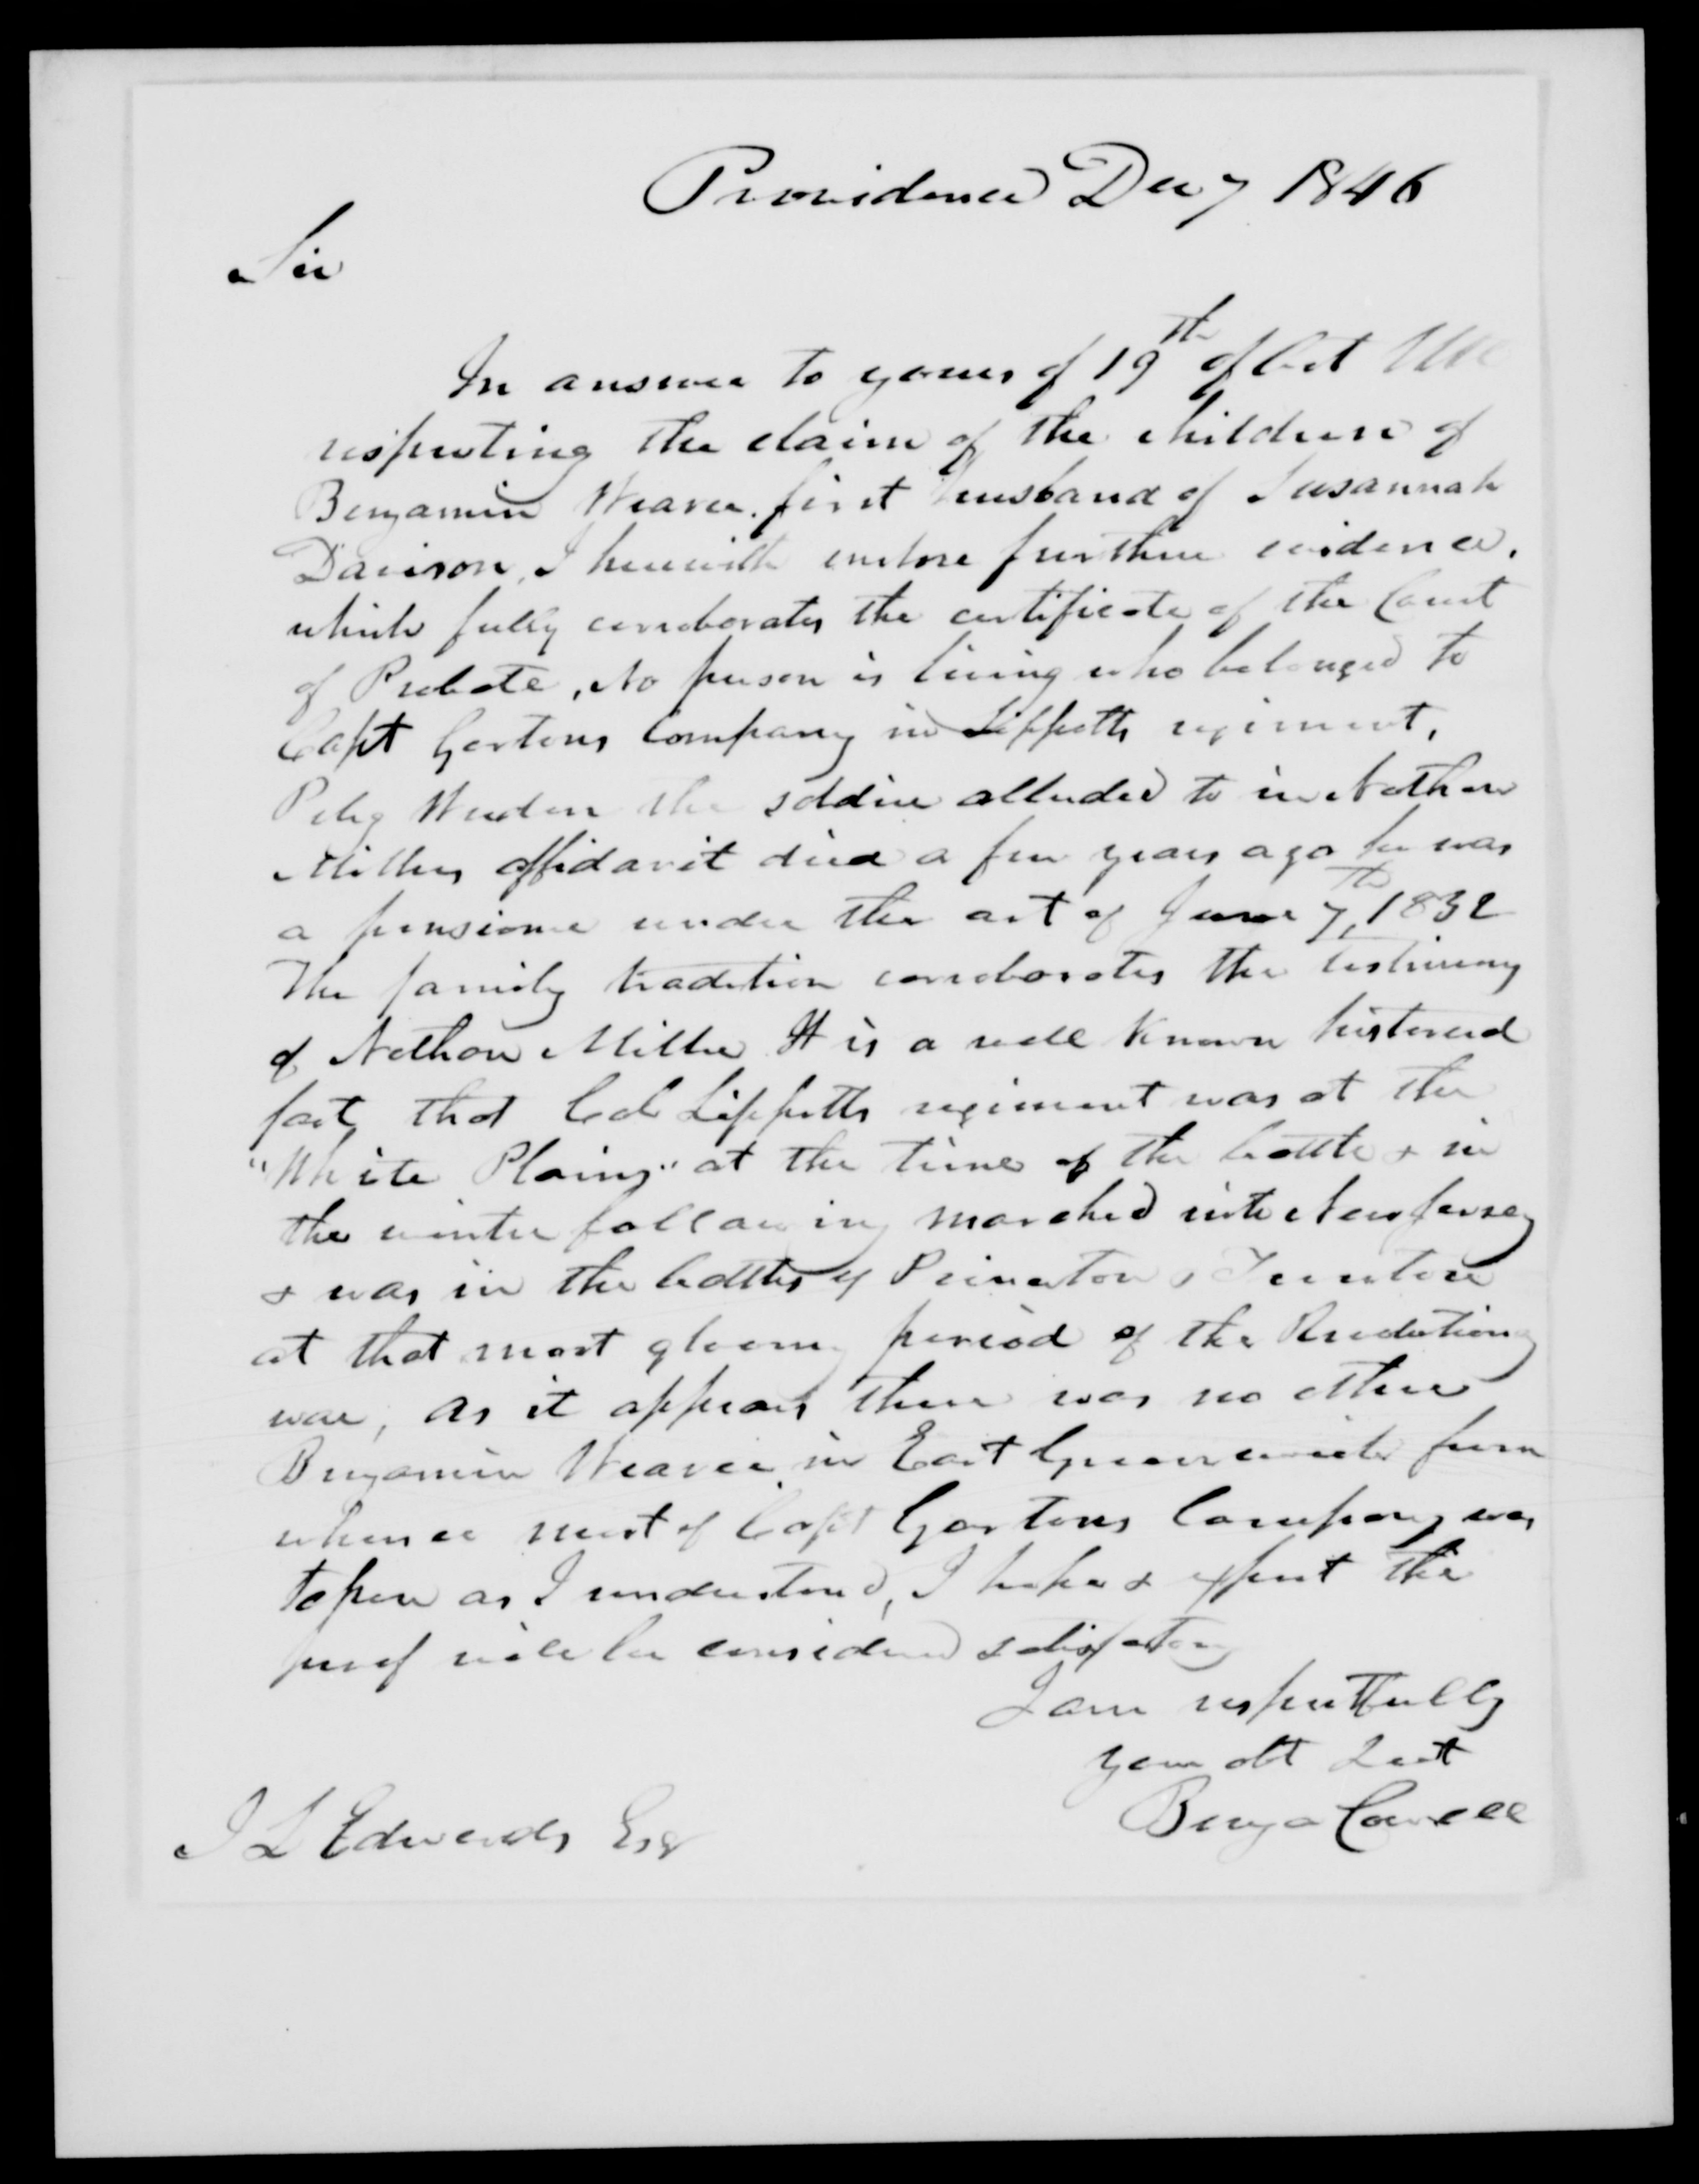Providence Dec 7 1846

Sir

In answer to yours of 19th of Oct ___ respecting the claim of the children of Benjamin Weaver, first husband of Susannah Davison, I herewith enclose further evidence, which fully corroborate the certificate of the Court of Probate, no person living who belonged to Capt Gortons Company in Lippitts regiment, Peleg Weeden the soldier alluded to in Nathan Miller affidavit died a few years ago he was a pensioner under the act of June 7, 1832
The family tradition corroborates the testimony of Nathan Miller
It is well known historical fact that Col Lippitts regiment was at the “White Plains” at the time of the battle & in the winter following marched with a New Jersey & was, as it appears them was no other Benjamin Weaver in East Greenwich from whence most of Capt Gortons Company was taken as I remembered, I hope & expect the proof will be considered satisfactory 

I am respectfully 
Your obt Sert
Benjamin Cowell

J L Edwards, Esq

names: Nathan Miller, Benjamin Weaver, Susannah Davison, J L Edwards, Peleg Warden, Benja Cowell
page: 34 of 53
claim: widow's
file: W 17707, Benjamin Weaver, R.I.